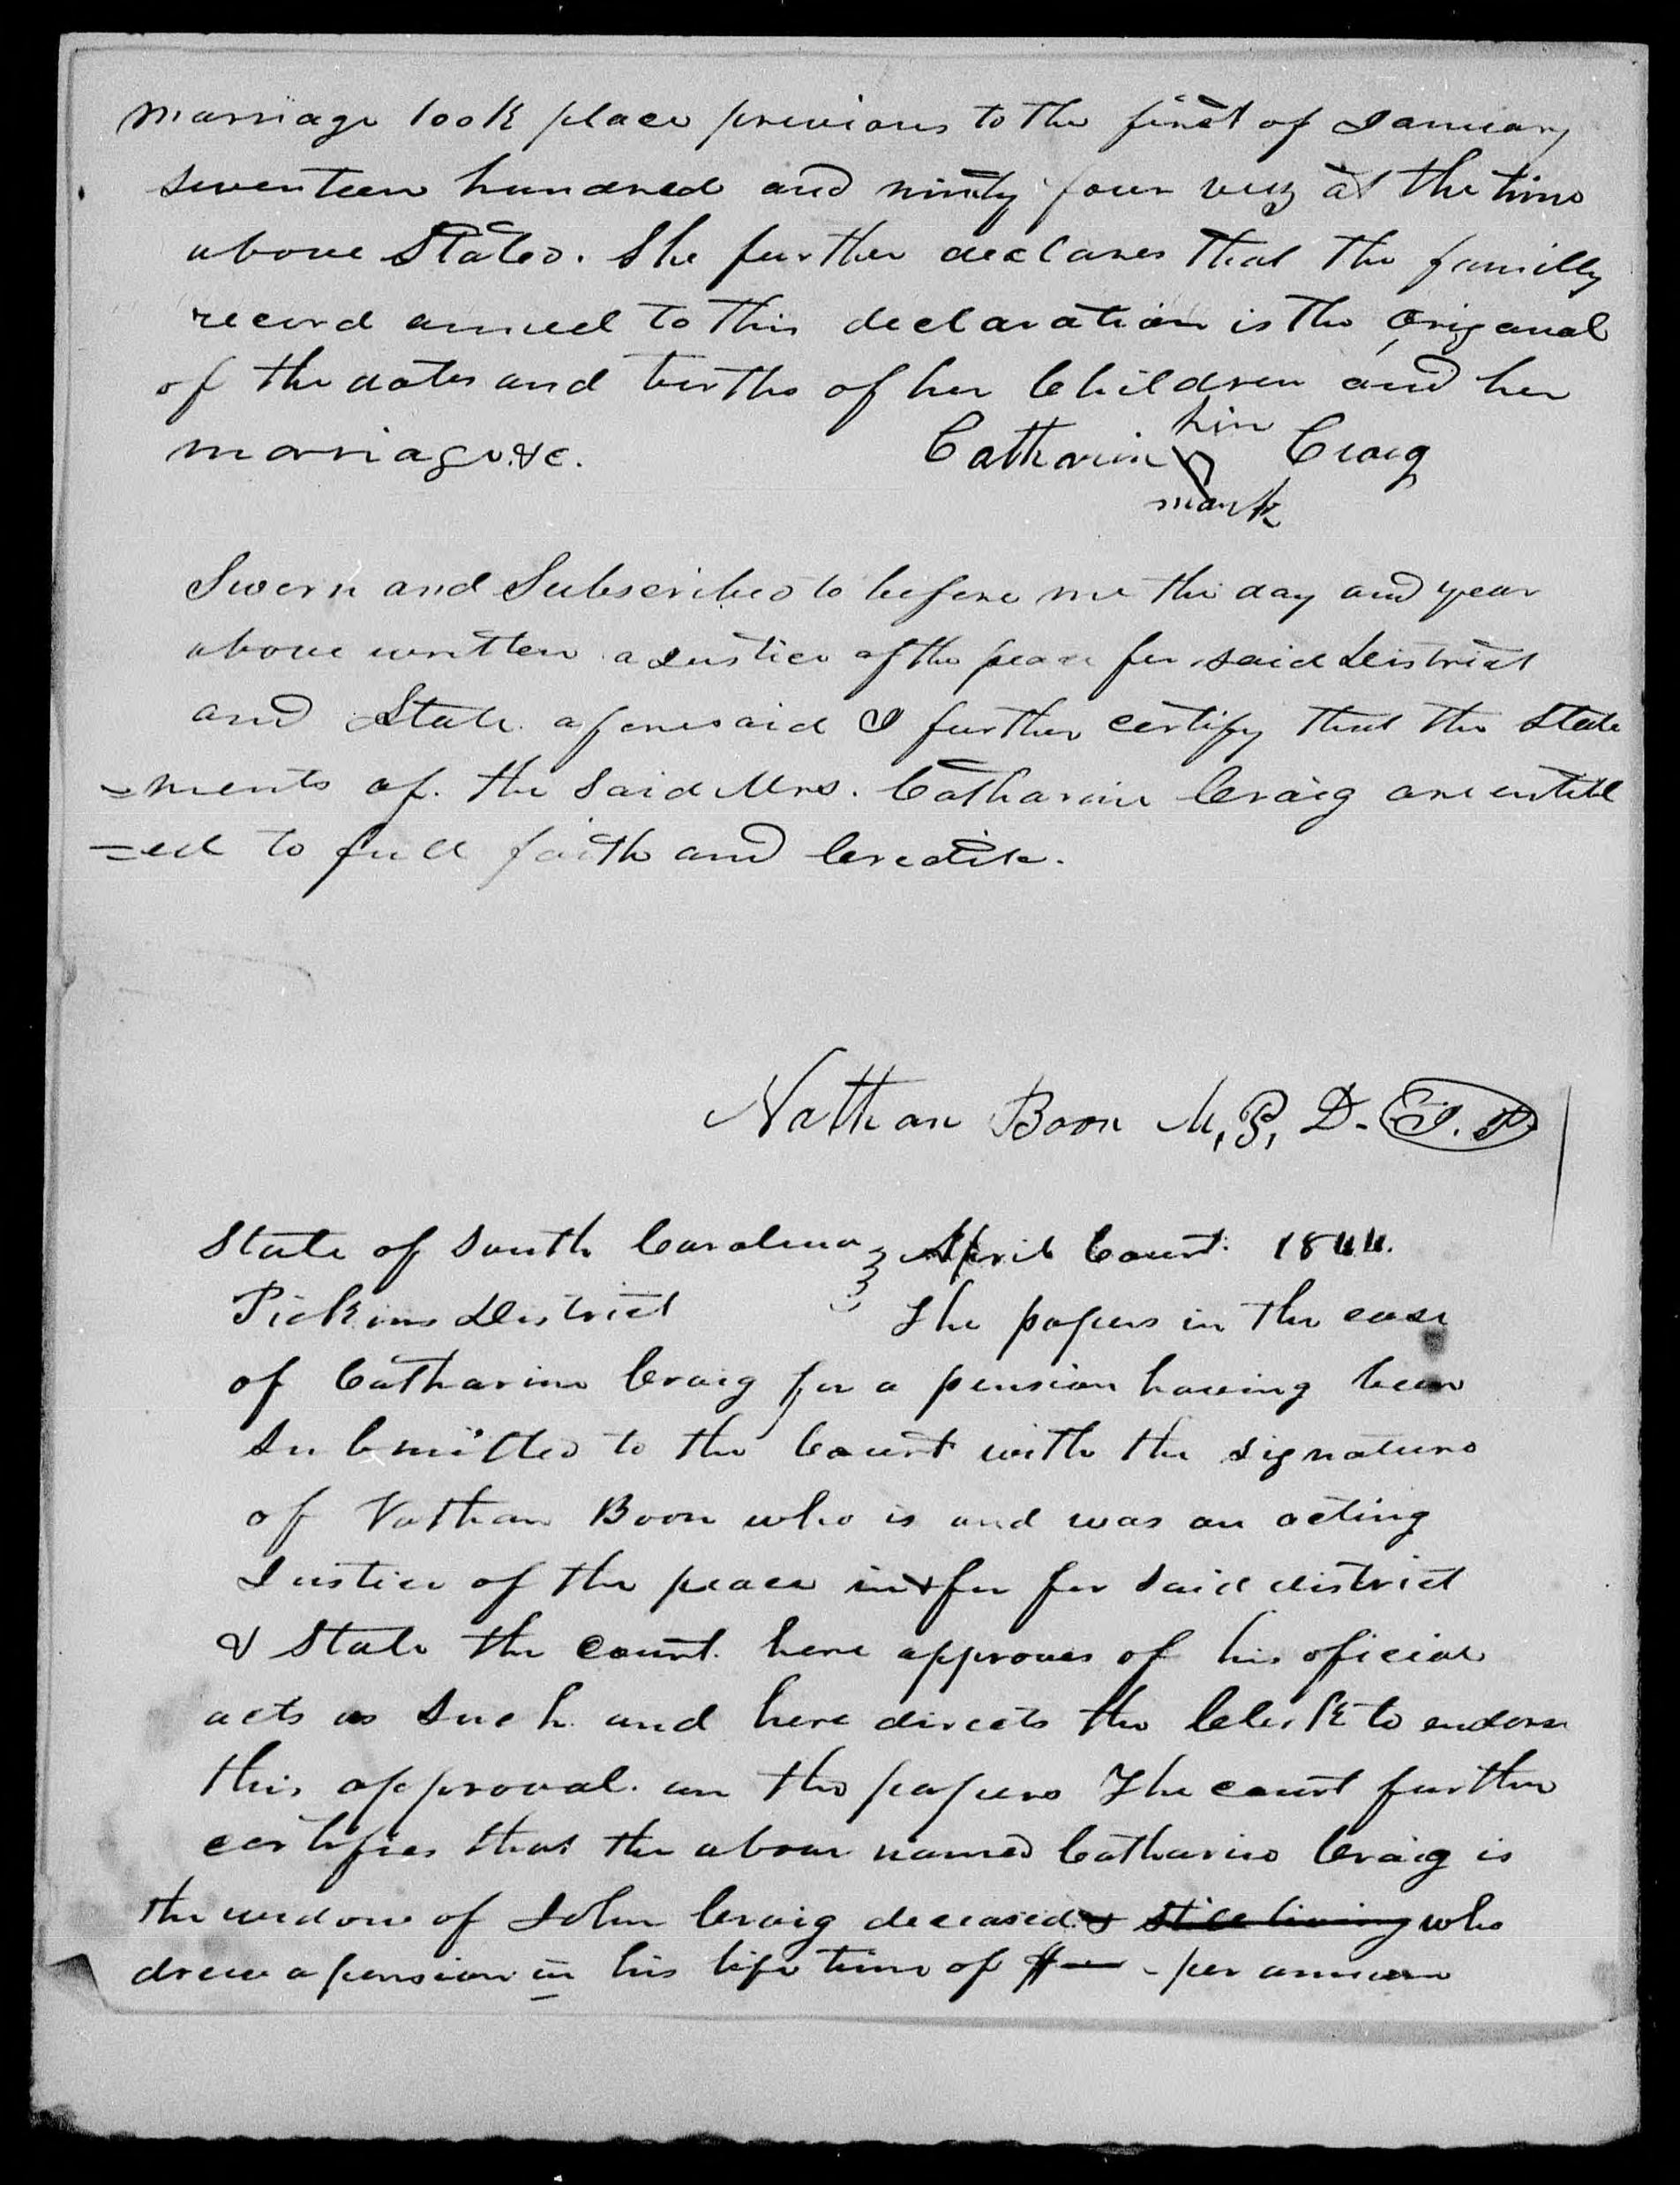marriage took place previous to the first of January seventeen hundred and ninety four viz at the time above Stated. She further declares that the family record anned to this declaration is the origanal of the dates and truths of her children and her marriage &c.
Catharin (her mark ) Craig

Sworn and Subscribed to before me this day and year above written a Justice of the peace for said District and State aforesaid I further certify that the Statements of the Said Mrs. Caharin Craig are entitled to full faith and credit.
,
Nathan Boon  M.J,.S.  (J. P.)

State of South Carolina
Pickins District
April Court 1866

The papers in the case of Catharine Craig for a pension having been submitted to the Court with the signature of Nathan Boon who is and was an acting Justice of the Peace in & for for said district & State the court have approves of his official acts as such and here directs the later PE to endorse this approval in the papers
The court further certifies that the above named Catharine Craig is the widow of John Craig deceased & (crossed out -still living)
who drew a pension in his lifetime of $--- per annum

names: Catharine Craig, Catharine Craig, Nathan Boon, Catharine Craig, Nathan Boon, Catharine Craig, John Craig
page: 10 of 55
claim: widow's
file: W. 22864, John Craig, S.C. Born In Iceland